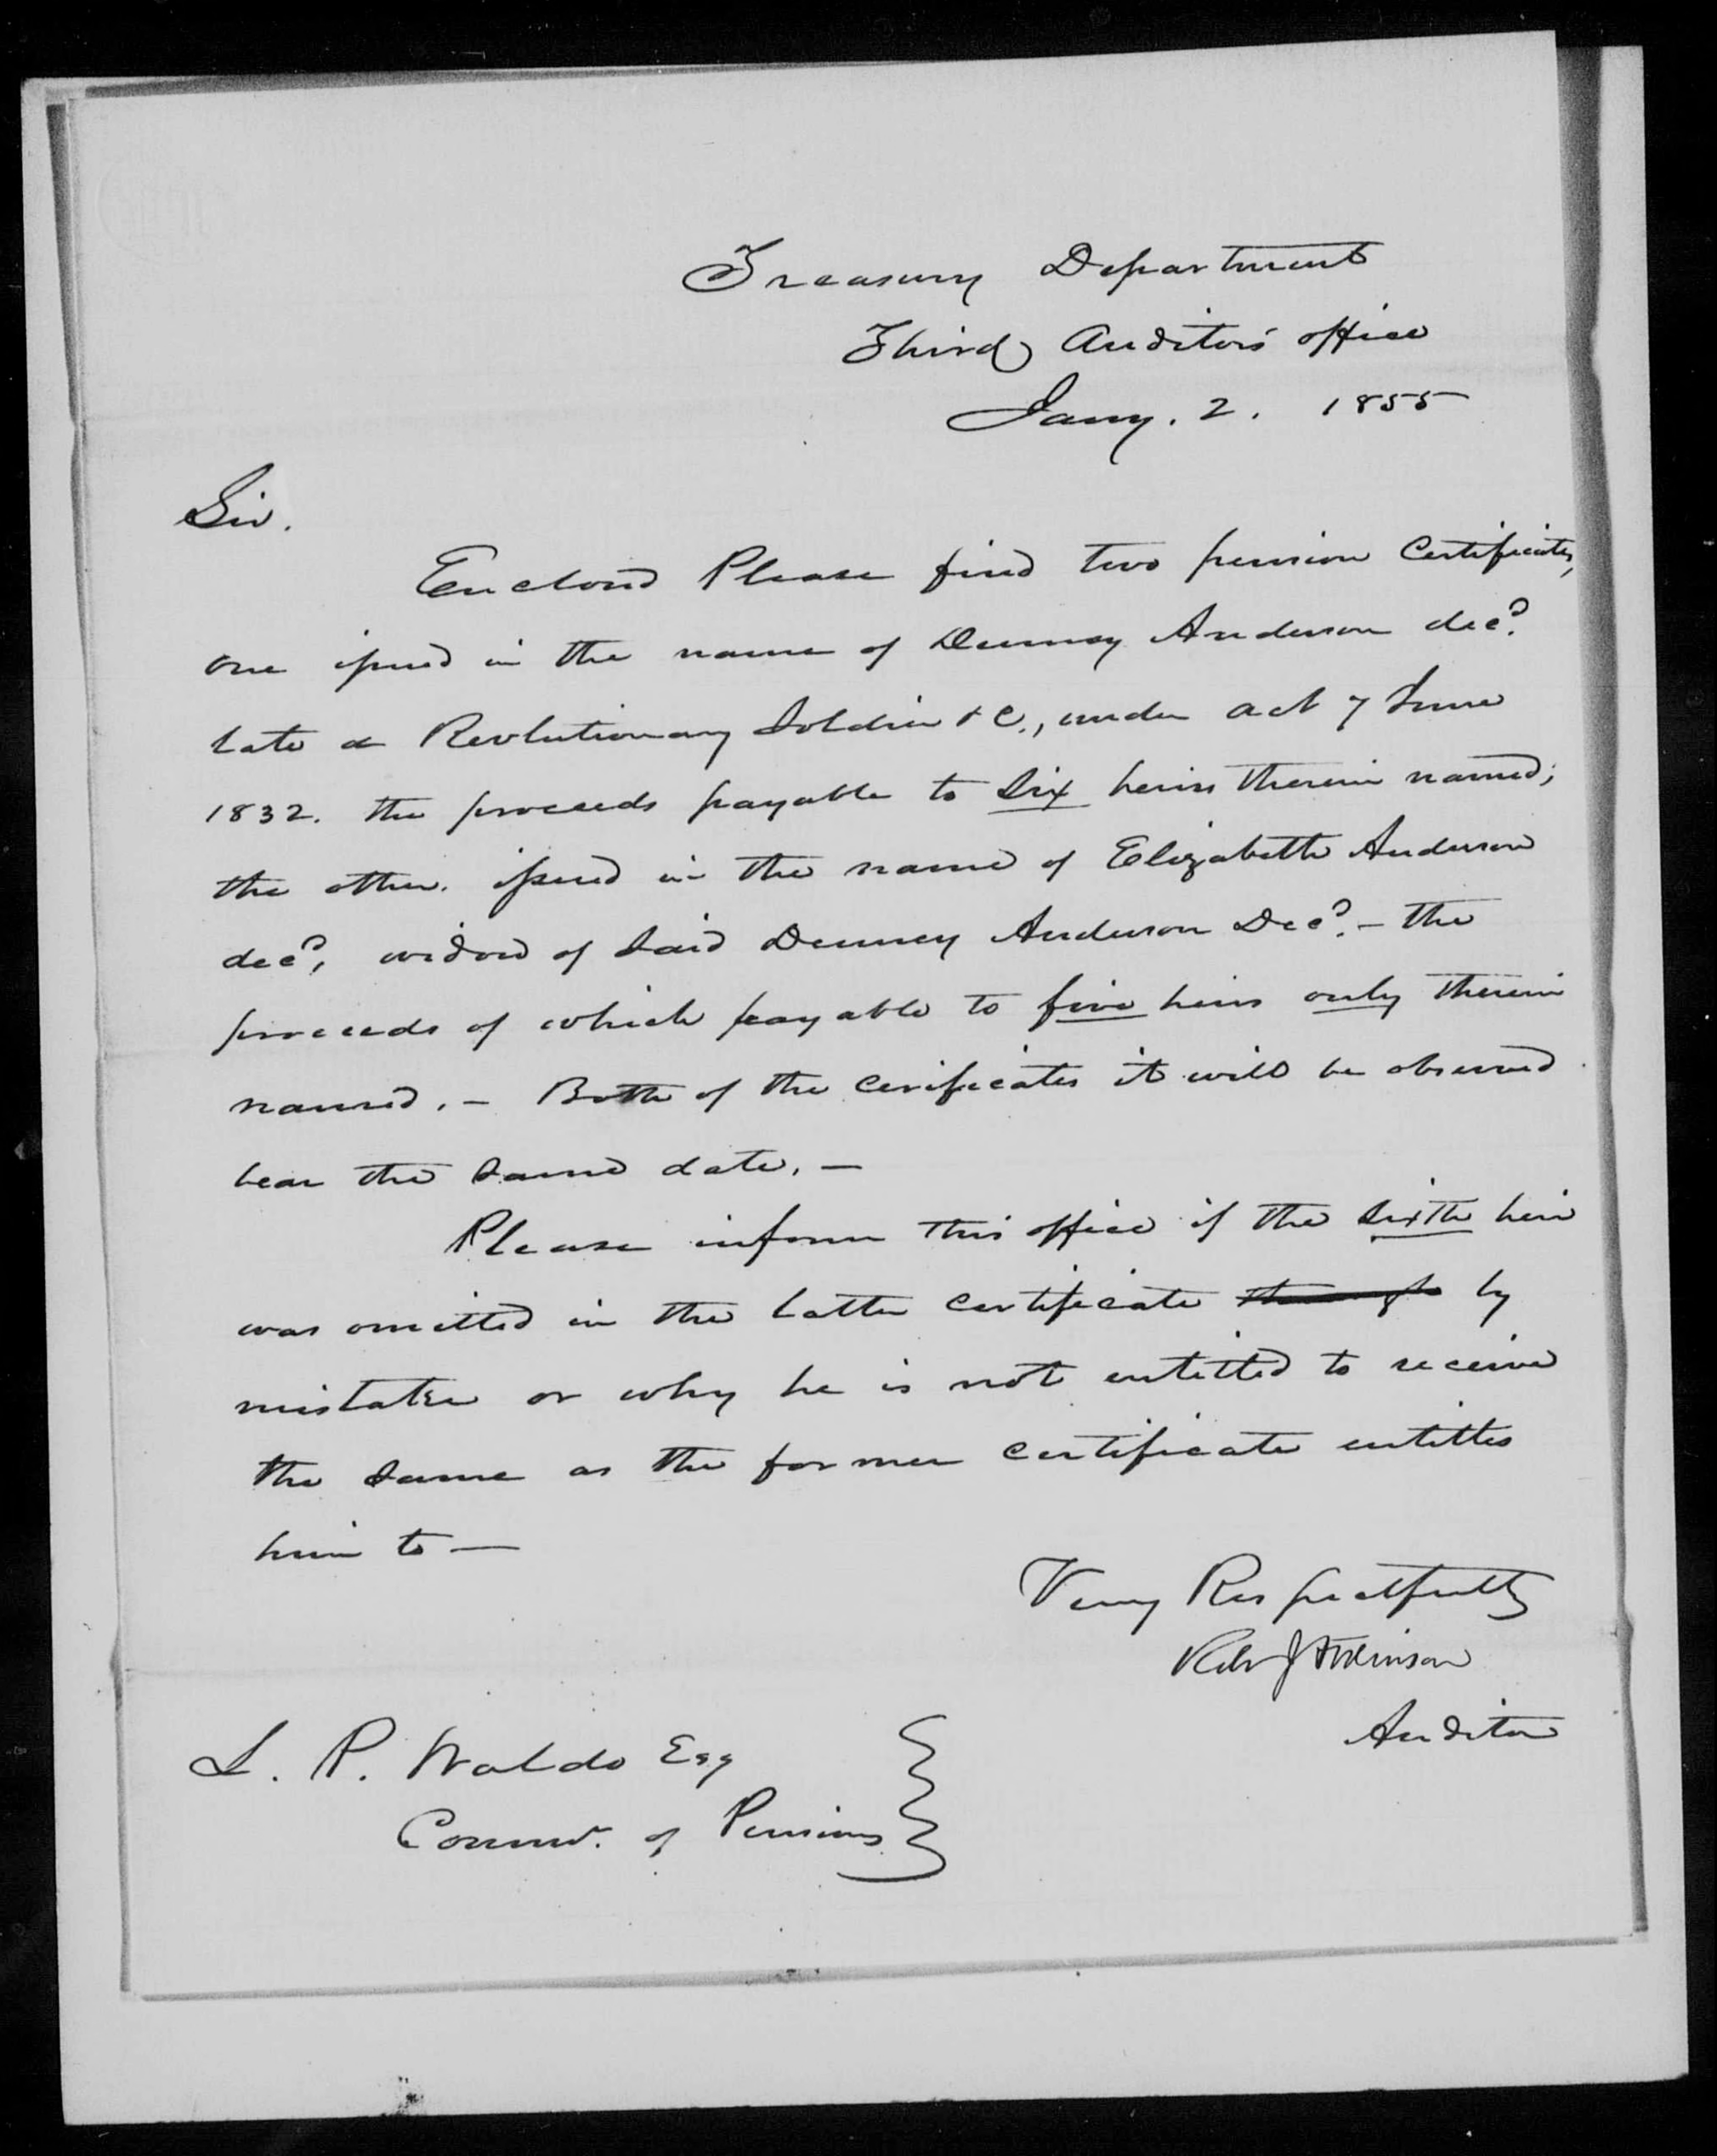Treasury Department
Third Auditor's office
Jany. 2. 1855

Sir,
Enclosed Please find two pension certificates, one issued in the name of Denney Anderson decd. late a Revolutionary Soldier &C., under act 7 June 1832. The proceeds payable to six heirs therein named; the other issued in the name of Elizabeth Anderson decd. widow of said Denney Anderson decd. the proceeds of which payable to five heirs only therein named. Both of the cerificates it will be observed bear the same date.
Please inform this office if the sixth heir was omitted in the latter certificate by mistake or why he is not entitled to receive the same as the former certificate entitles him to.
Very Respectfully
Rob J Atkinson
Auditor


L. P. Waldo Esq
Comm of Pensions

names: Denney Anderson, Robe J Atkinson, L P Waldo, Elizabeth Anderson, Denney Anderson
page: 39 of 51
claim: widow's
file: W. 9700, Denney Anderson, S.C.